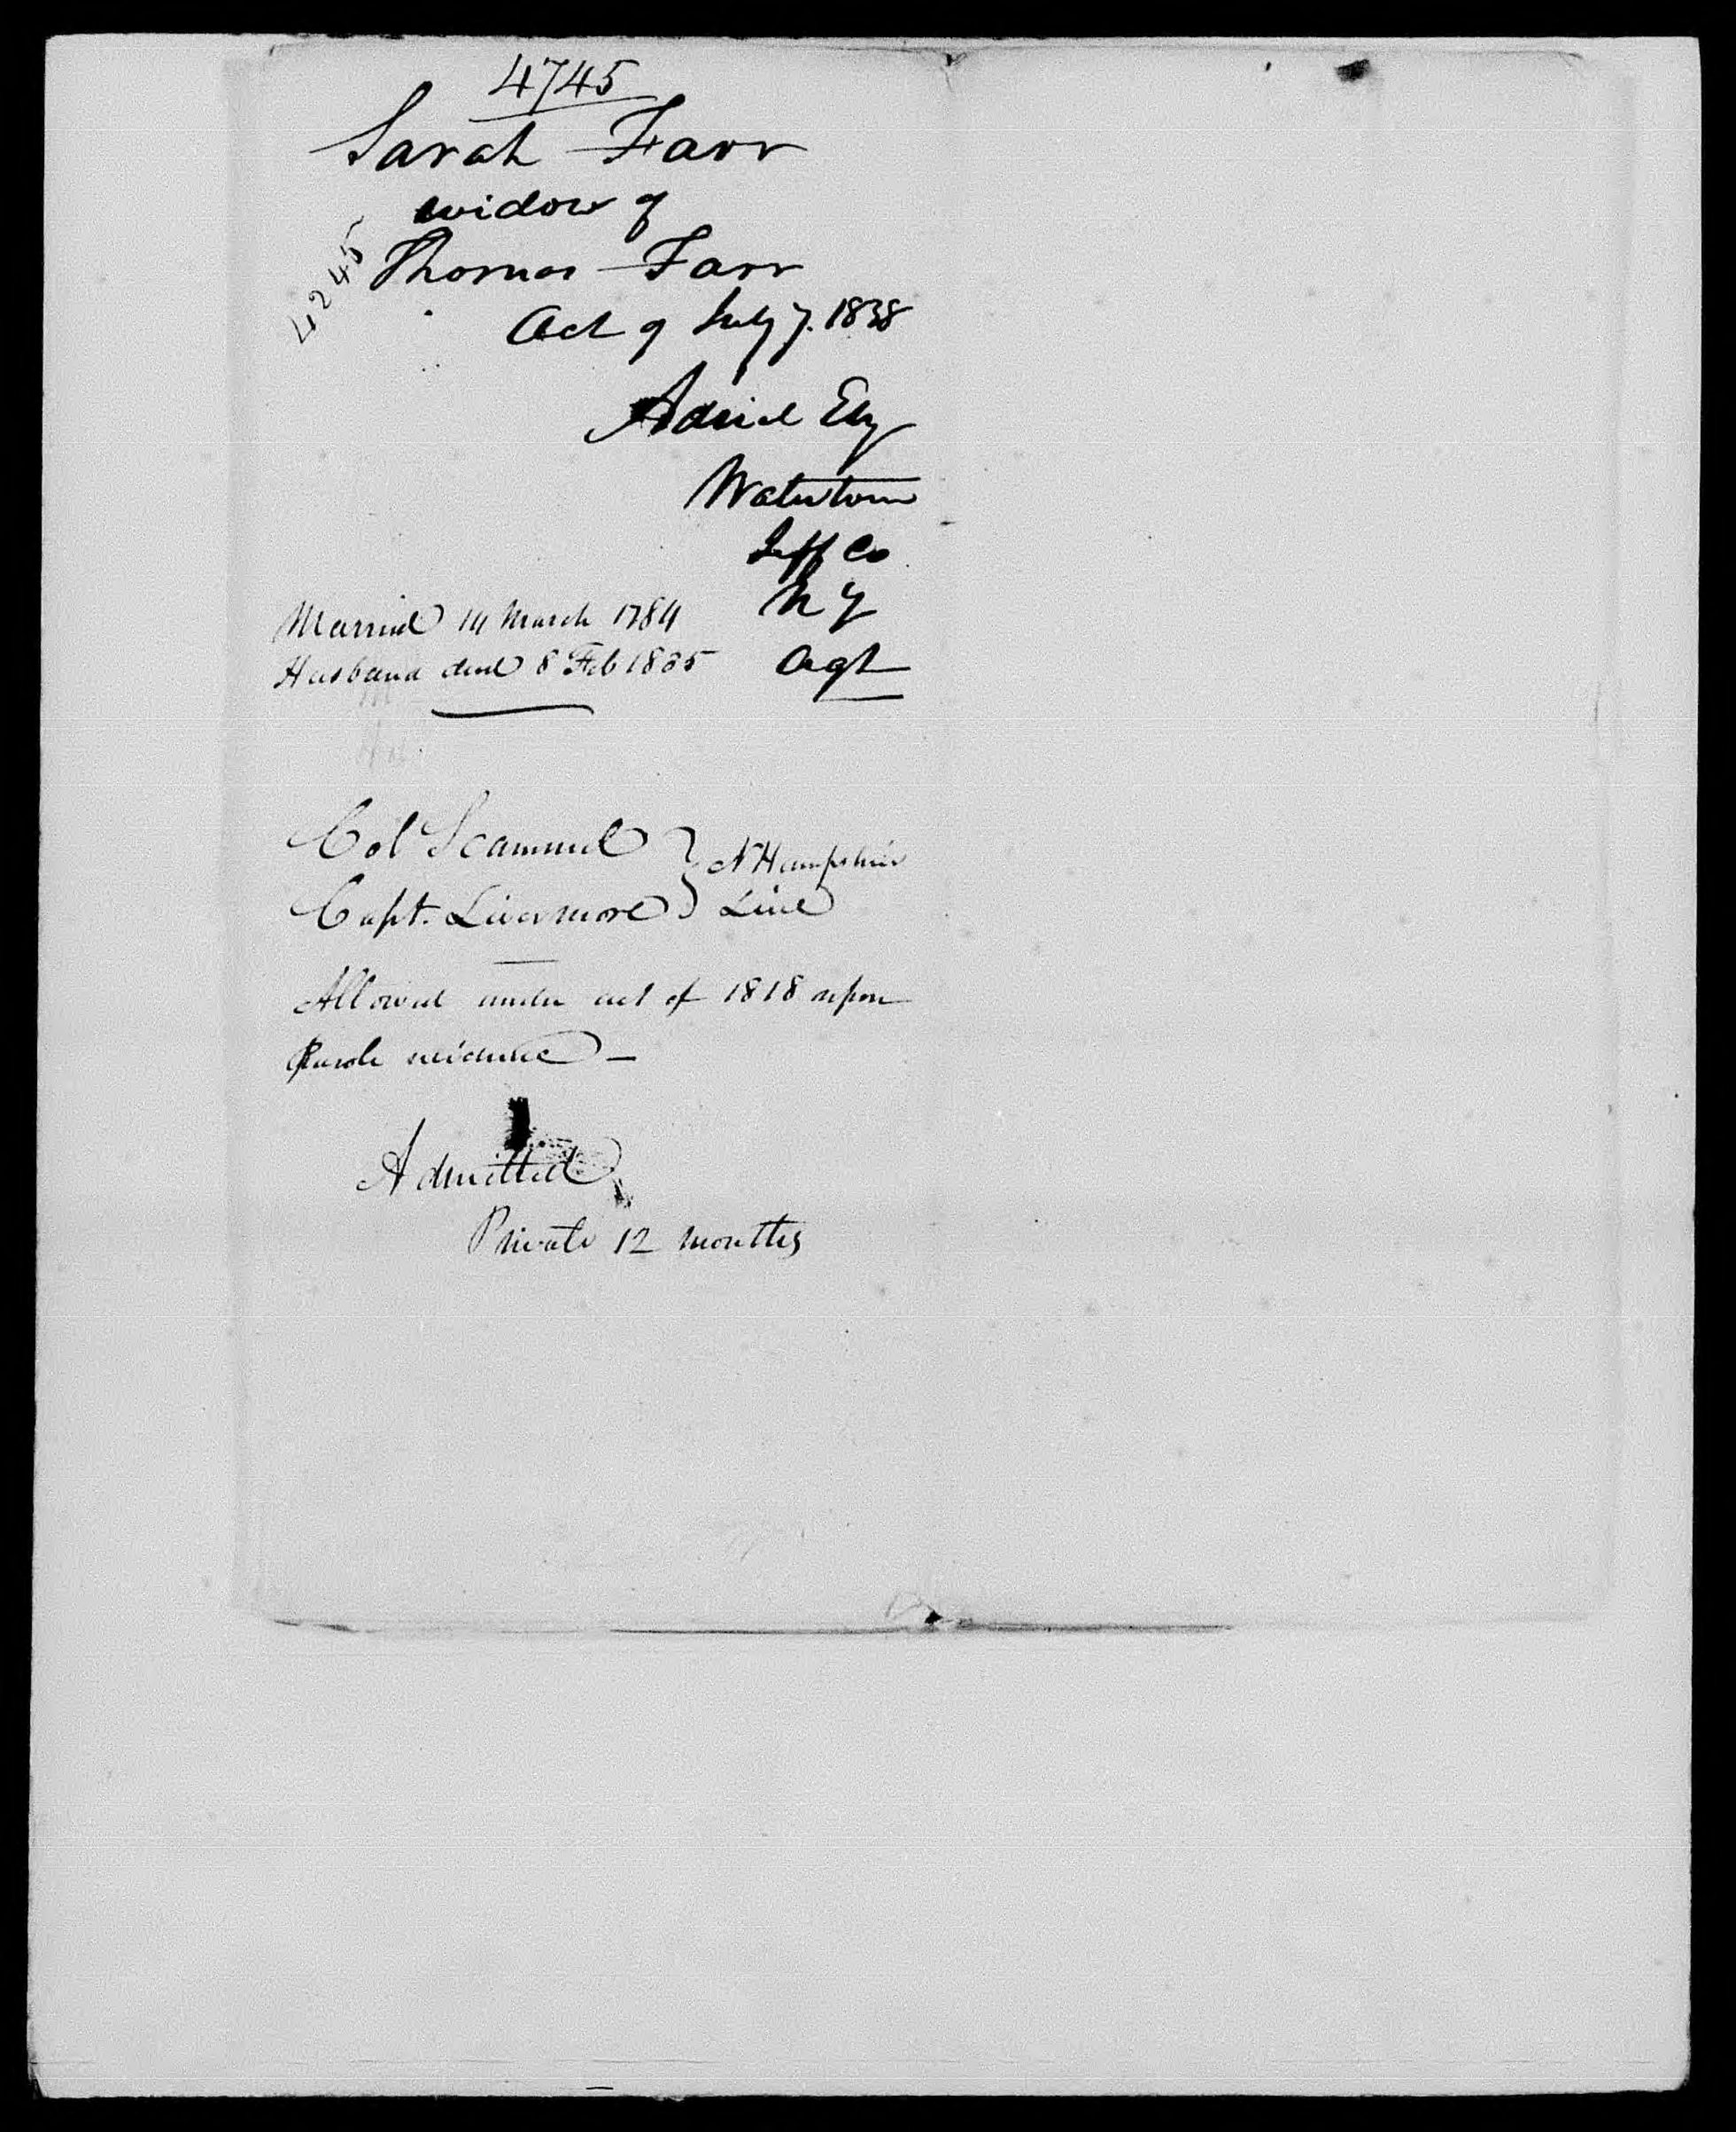4745
Sarah Farr
widow of
[4245 written sideways]   Thomas Farr
Act of July 7, 1838
Adriel Ely
Watertown
Jeff Co
Married 14 March 1784    NY
Husband died 8 Feb 1885    [illegible]

---
Col Scammel} N. Hampshire
Capt Livermore}  Line

Allowed under act of 1818 upon
Parole evidence-

Admitted
Private 12 months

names: Livermore, Thomas Farr, Sarah Farr, Scammel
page: 14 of 46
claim: widow's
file: W. 23022, Thomas Farr, N.H.